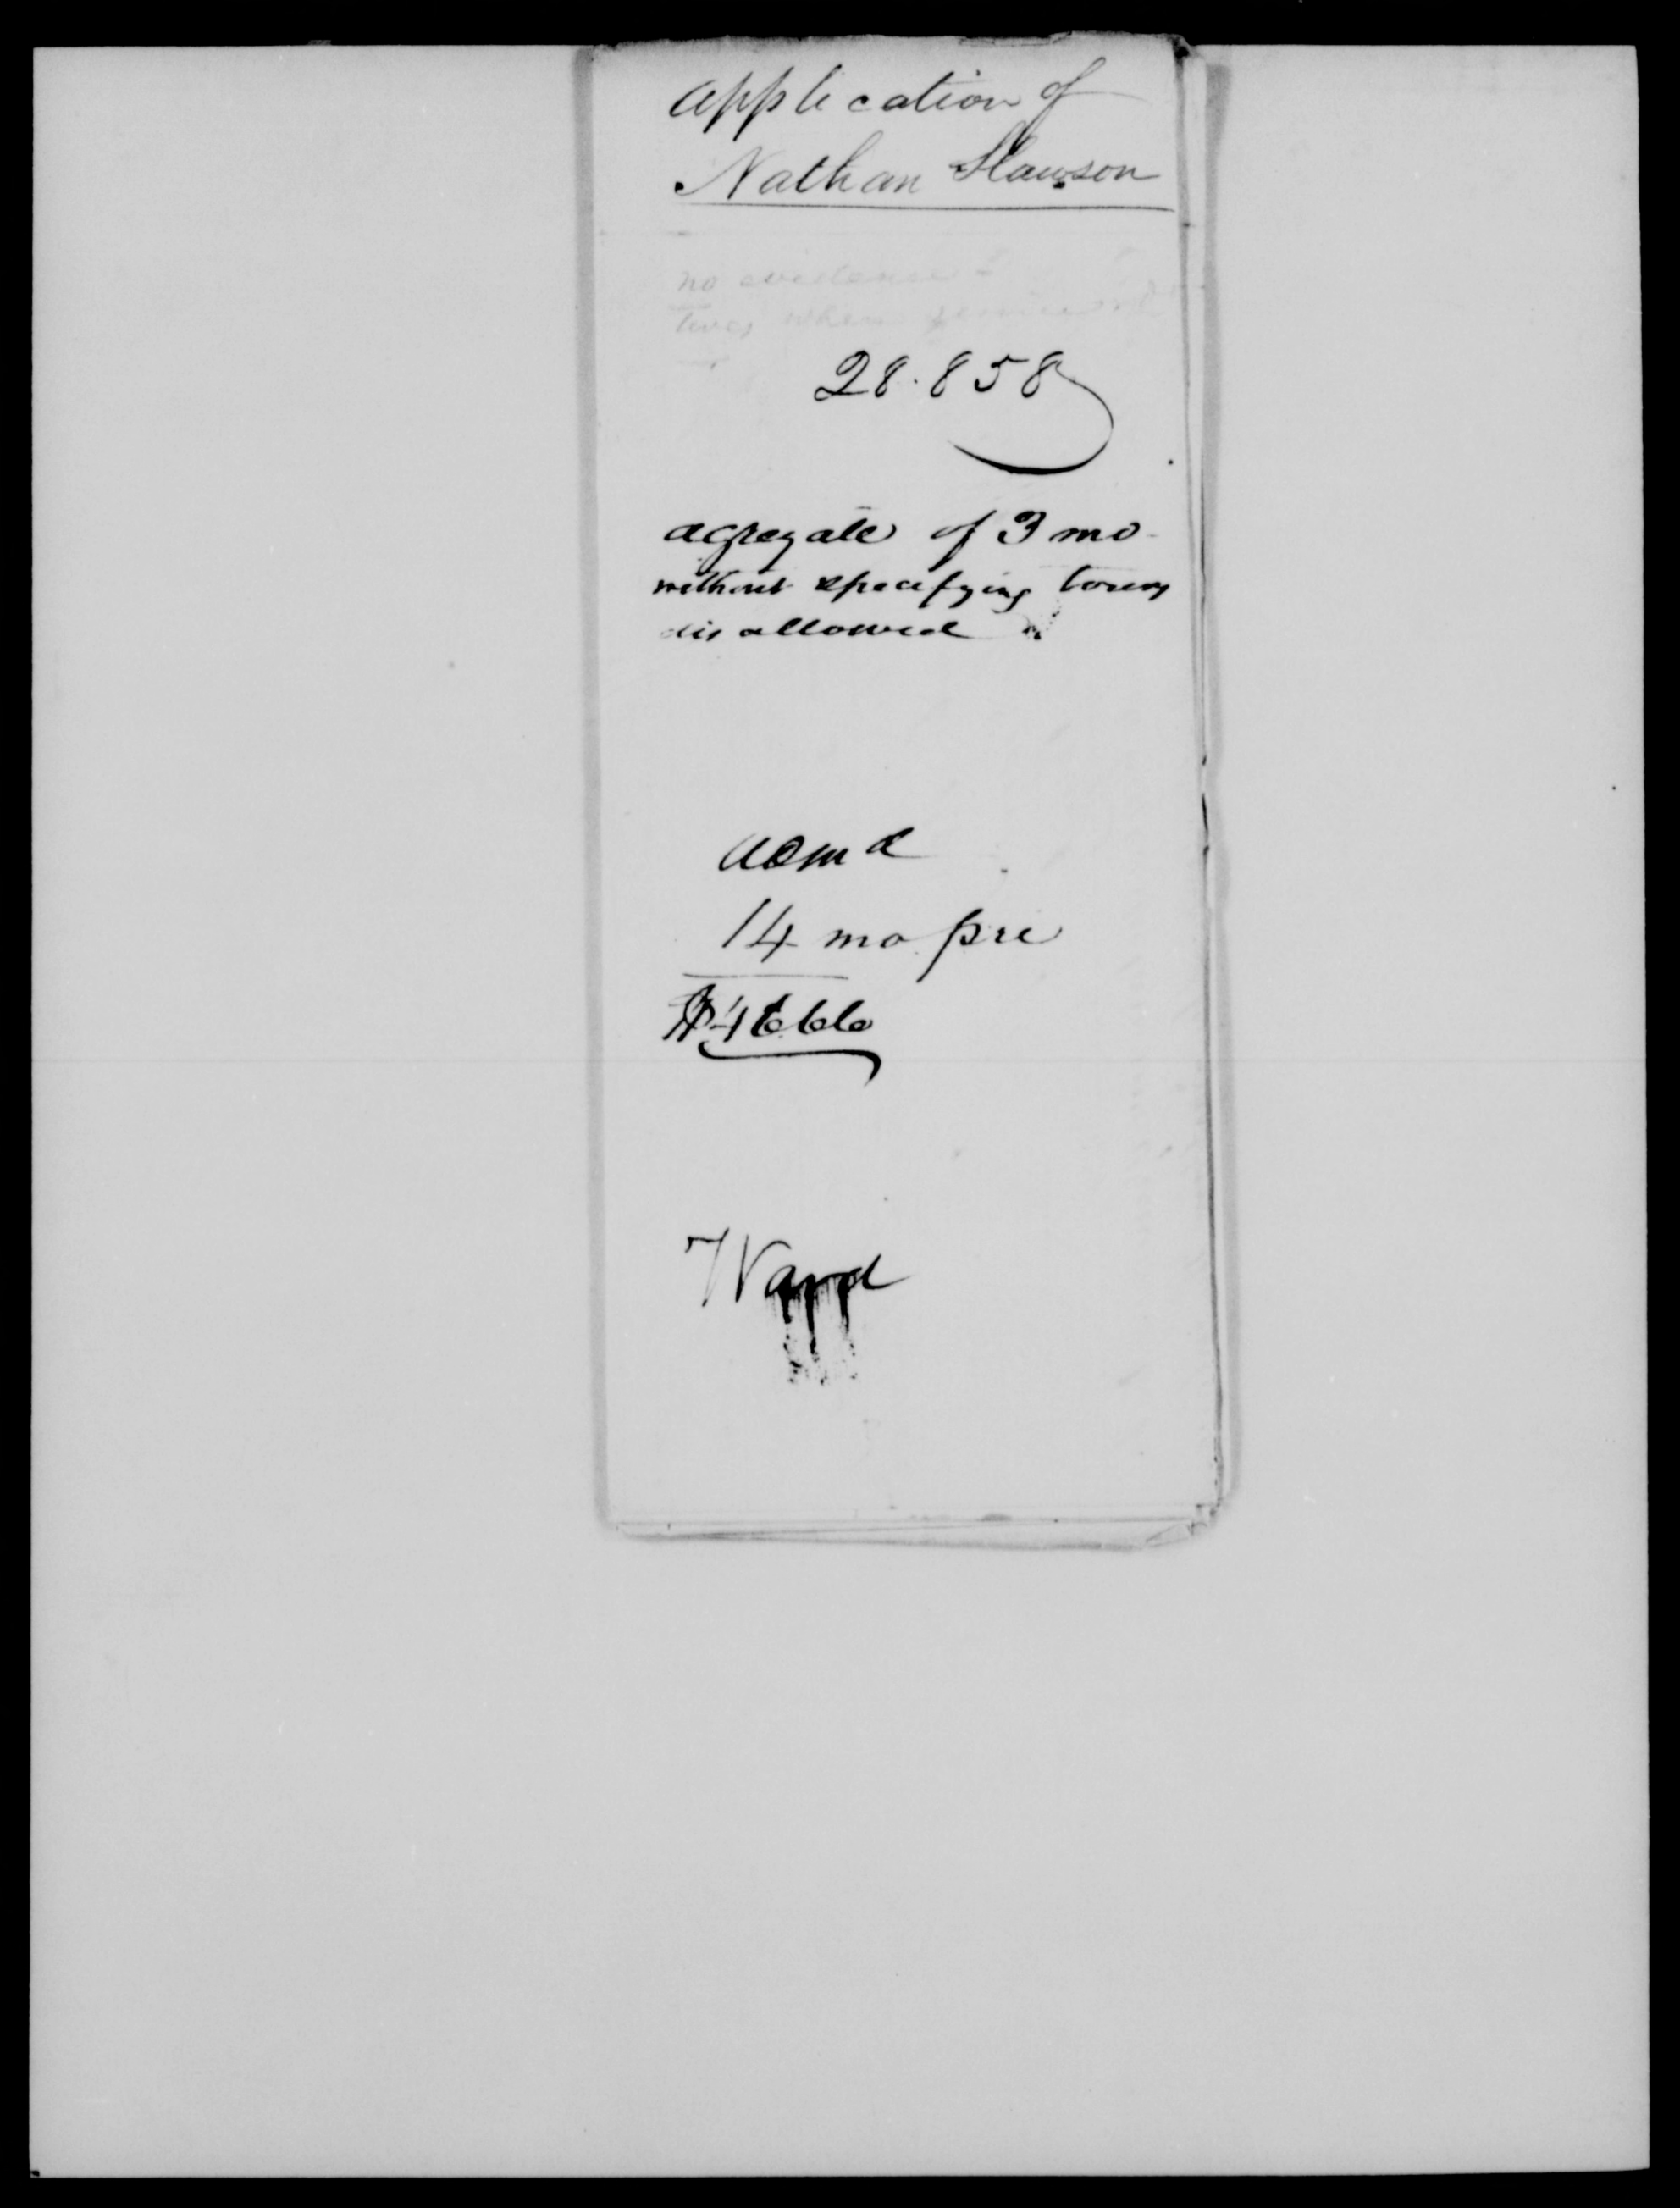application of Nathan Slawson 
no evidence [unreadable] times when service [unreadable]
28.858 
agregate [aggregate] of 3 mo without specifying tours disallowed 
Adm’d [admitted] 
14 mo pri
$46.66
Ward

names: Nathan Slawson; [BLANK] Ward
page: 4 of 87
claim: widow's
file: W. 22,226, for Nathan Slawson, Connecticut